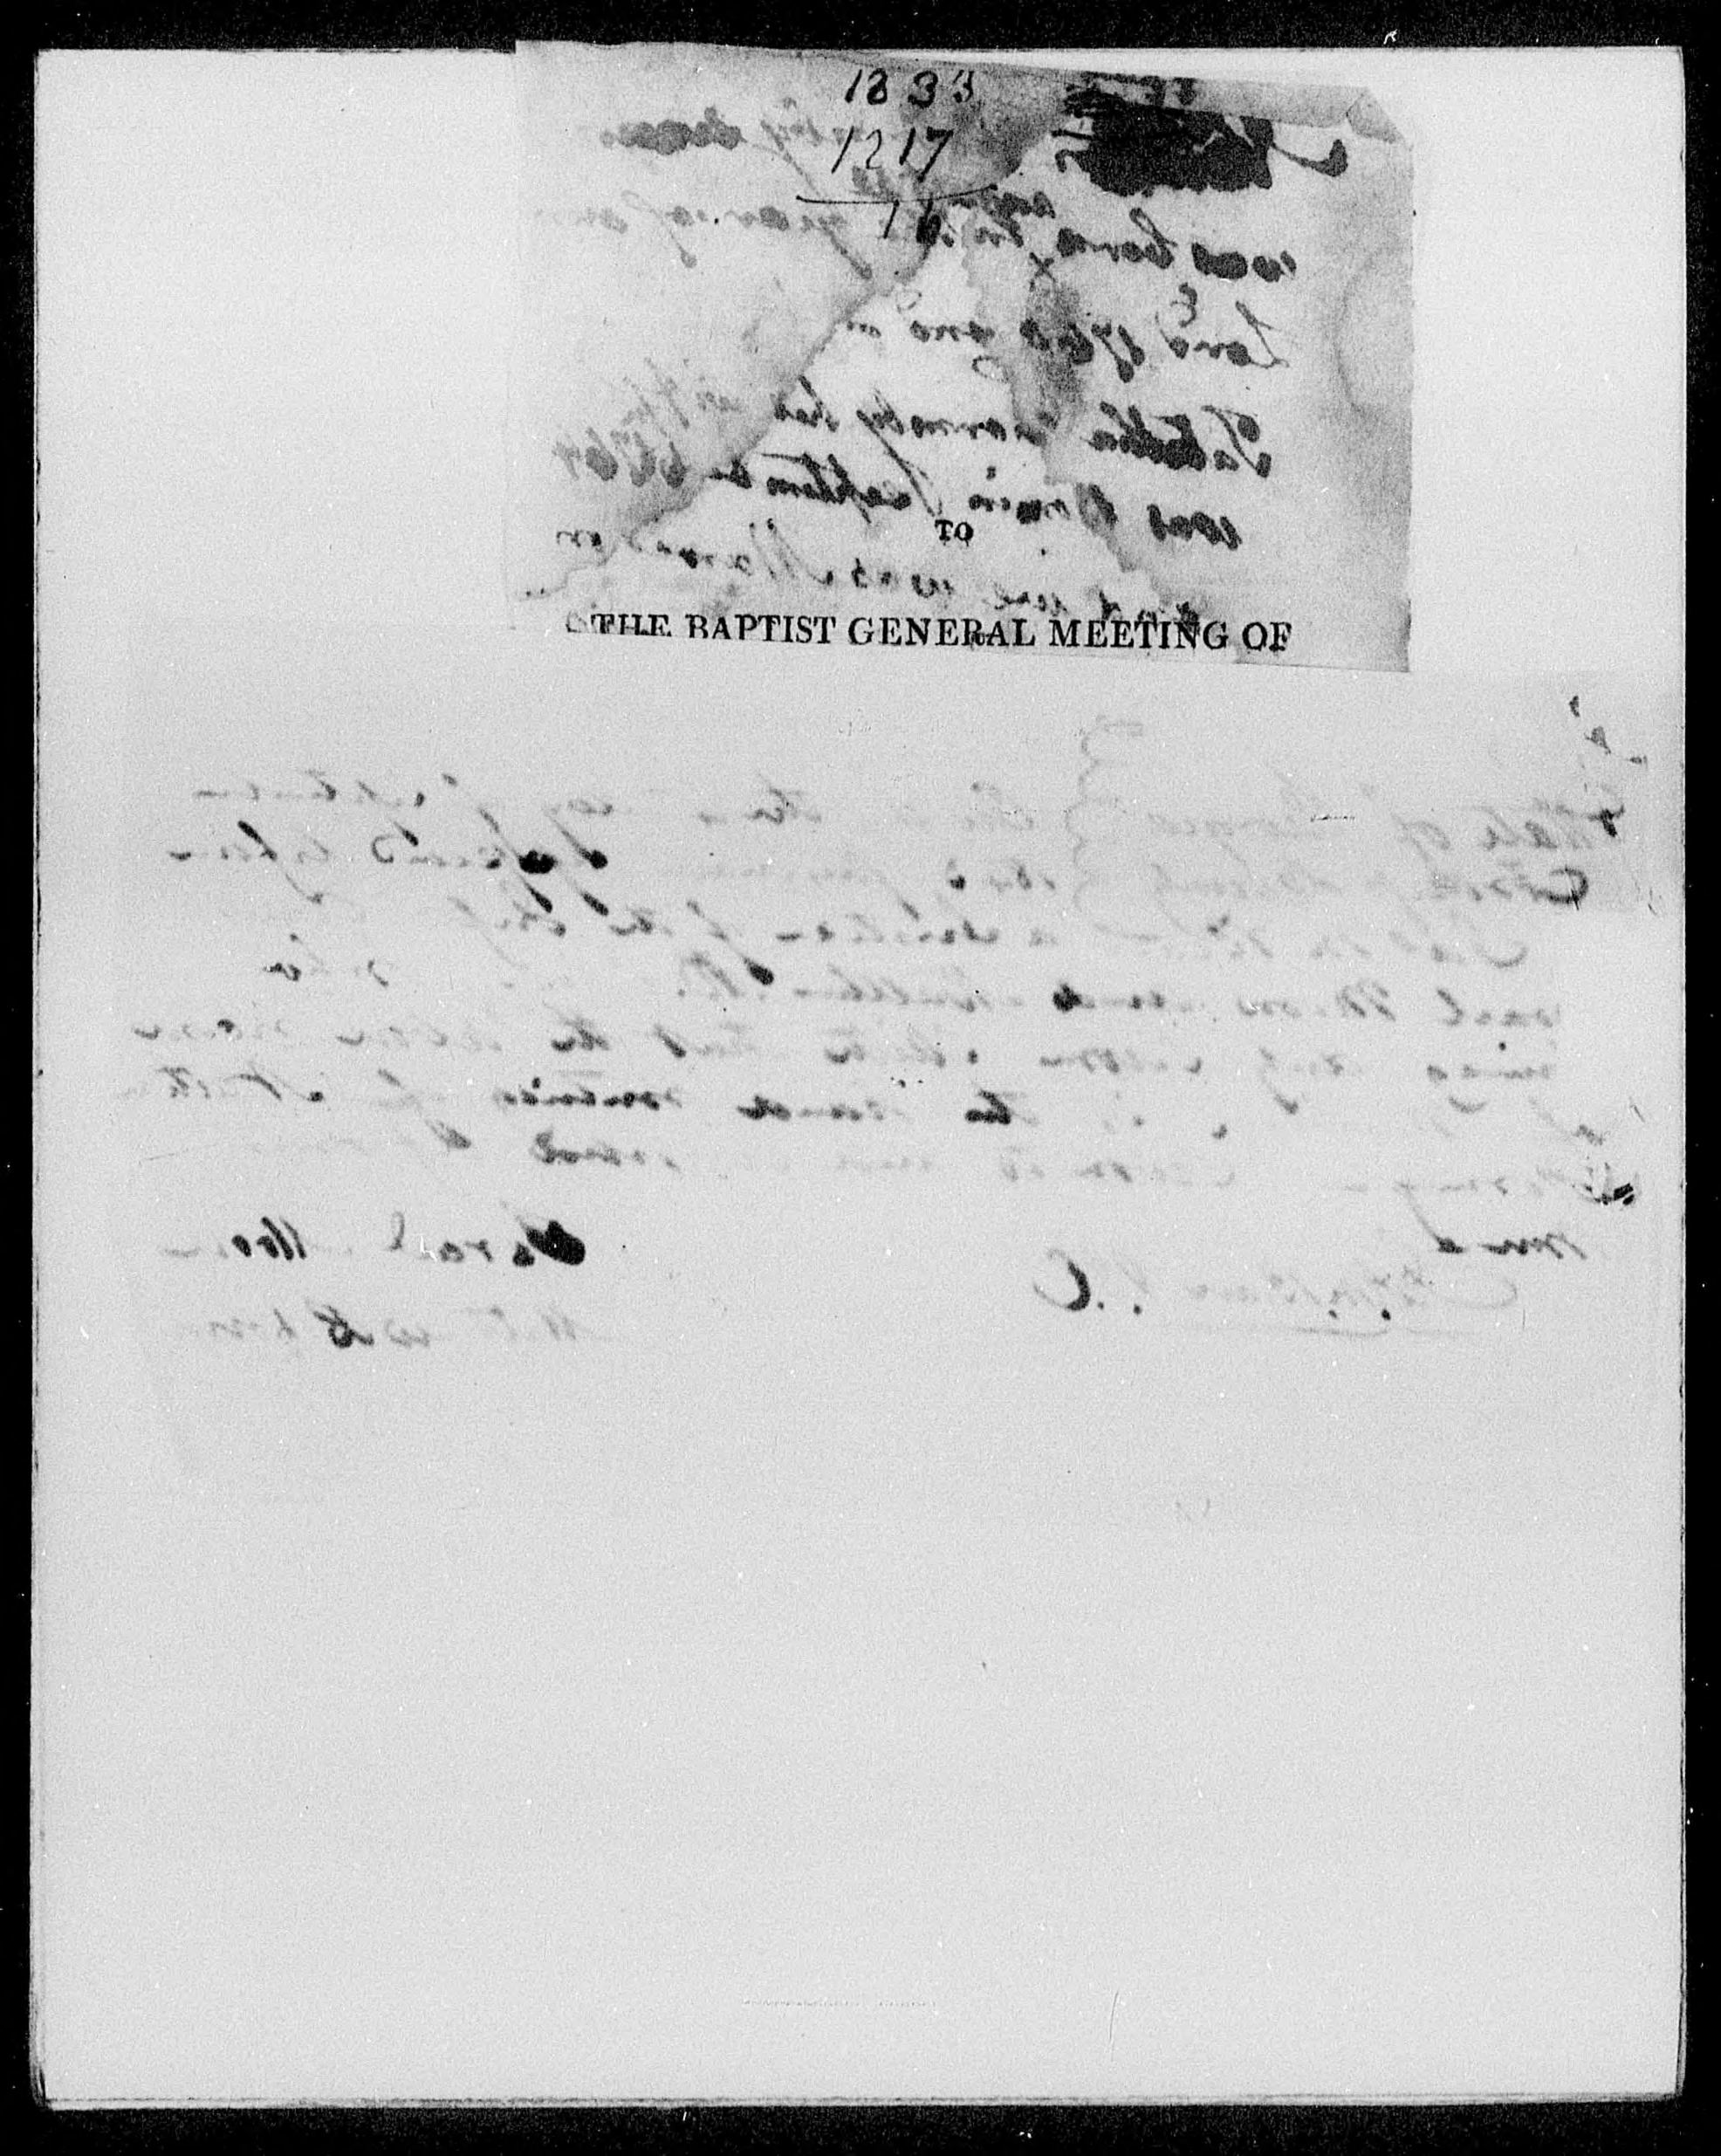[handwritten]
1833
1217
-
16

[printed] THE BAPTIST GENERAL MEETING OF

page: 14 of 54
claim: widow's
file: W. 3794, Nathan Formby, Va.